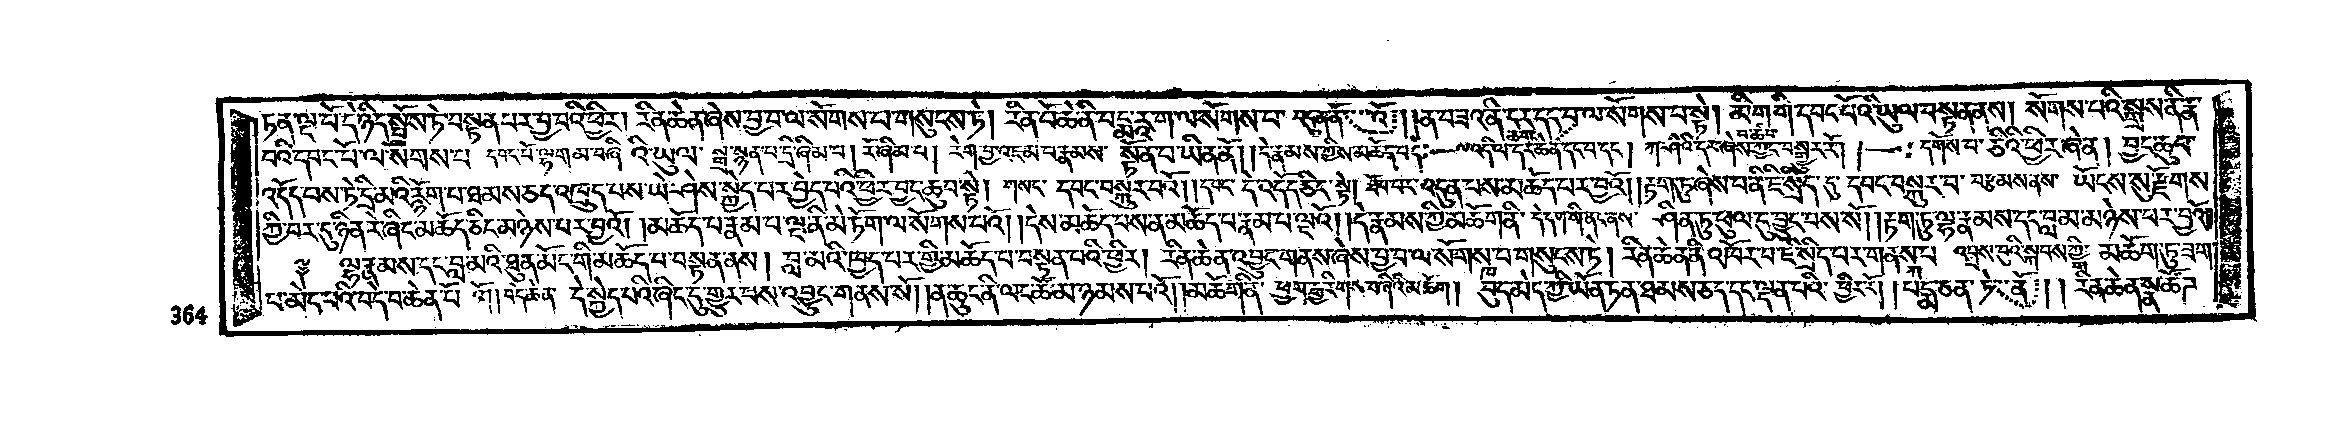ཏན་ལྔ་པོ་དེ་ཉིད་སྤྲོས་ཏེ་བསྟན་པར་བྱ་བའི་ཕྱིར། རིན་ཆེན་ཞེས་བྱ་བ་ལ་སོགས་པ་གསུངས་ཏེ། རིན་པོ་ཆེ་ནི་པདམ་རཱ་ག་ལ་སོགས་པ་བདུན་ནོ་འོ། །ན་བཟའ་ནི་དར་དང་བ་ལ་སོགས་པ་སྟེ། མིག་གི་དབང་པོའི་ཡུལ་བསྟན་ནས། སོགས་པའི་སྒྲས་ནི་རྣ་
བའི་དབང་པོ་ལ་སོགས་པ་དབང་པོ་ལྷག་མ་བཞིའི་ཡུལ་སྒྲ་སྙན་པ་དྲི་ཞིམ་པ། རོ་ཞིམ་པ། རེག་བྱ་འཇམ་པ་རྣམས་སྟོན་པ་ཡིན་ནོ། ། དེ་རྣམས་ཀྱིས་མཆོད་པ་དེཿ་༧འདི་ལ་ཆག་དར་ཆེན་དང་བ་དང་། ཀ་ཤིའི་དར་ཞེས་པ་ཚབ་ཀྱང་བསྒྱུར་རོ། །.Hདགོས་པ་ཅིའི་ཕྱིར་ཞེ་ན། བྱང་ཆུབ་
འདོད་པས་ཏེ་དྲི་མའི་རྙོག་པ་ཐམས་ཅད་འཁྲུད་པས་ཡེ་ཤེས་སྐྱེད་པར་བྱེད་པའི་ཕྱིར་བྱང་ཆུབ་སྟེ། གསང་དབང་བསྐུར་བའོ། ། དབང་དེ་འདོད་ཅིང་སྟེ། ཐོབ་པར་འདུན་པས་མཆོད་པར་བྱའོ། །རྟག་ཏུ་ཞེས་པ་ནི་ཇི་སྲིད་དུ་དབང་བསྐུར་བ་བརྩམས་ནས་ཡོངས་སུ་རྫོགས་
ཀྱི་བར་དུ་ཉིན་རེ་ཞིང་མཆོད་ཅིང་མཉེས་པར་བྱའོ། །མཆོད་པ་རྣམ་པ་ལྔ་ནི་མེ་ཏོག་ལ་སོགས་པའོ། །དེས་མཆོད་པས་ན་མཆོད་པ་རྣམ་པ་ལྔའོ། །དེ་རྣམས་ཀྱི་མཆོག་ནི་དེ་དག་གི་ནང་ནས་ཤིན་ཏུ་ཕུལ་དུ་བྱུང་བས་སོ། །རྟག་ཏུ་ལྷ་རྣམས་དང་བླ་མ་མཉེས་པར་བྱའོ།།
༈ ལྷ་རྣམས་དང་བླ་མའི་ཐུན་མོང་གི་མཆོད་པ་བསྟན་ནས། བླ་མའི་ཁྱད་པར་གྱི་མཆོད་པ་བསྟན་པའི་ཕྱིར། རིན་ཆེན་འབྱུང་གནས་ཞེས་བྱ་བ་ལ་སོགས་པ་གསུངས་ཏེ། རིན་ཆེན་ནི་འཁོར་བ་ཇི་སྲིད་པར་གནས་པ་འབྲས་བུའི་སྐབས་ཀྱི་མཆོག་ཏུ་ཟག་
པ་མེད་པའི་བདེ་བ་ཆེན་པོ་འོ། །བདེ་ཆེན་དེ་སྐྱེད་པའི་ཞིང་དུ་གྱུར་པས་འབྱུང་གནས་སོ། །ན་ཆུང་ནི་ལང་ཚོ་མ་ཉམས་པའོ། །མཆོག་ནི་ཕྱག་རྒྱ་རིགས་བཞིའི་མཆོག །ཁ་བུད་མེད་ཀྱི་ཡོན་ཏན་ཐམས་ཅད་དང་ལྡན་པའི་ཕྱིར་རོ། ། ཀ་པདམ་ཅན་ཏེ་ནོ། ། ག་རིན་ཆེན་སྣ་ཚོགས་